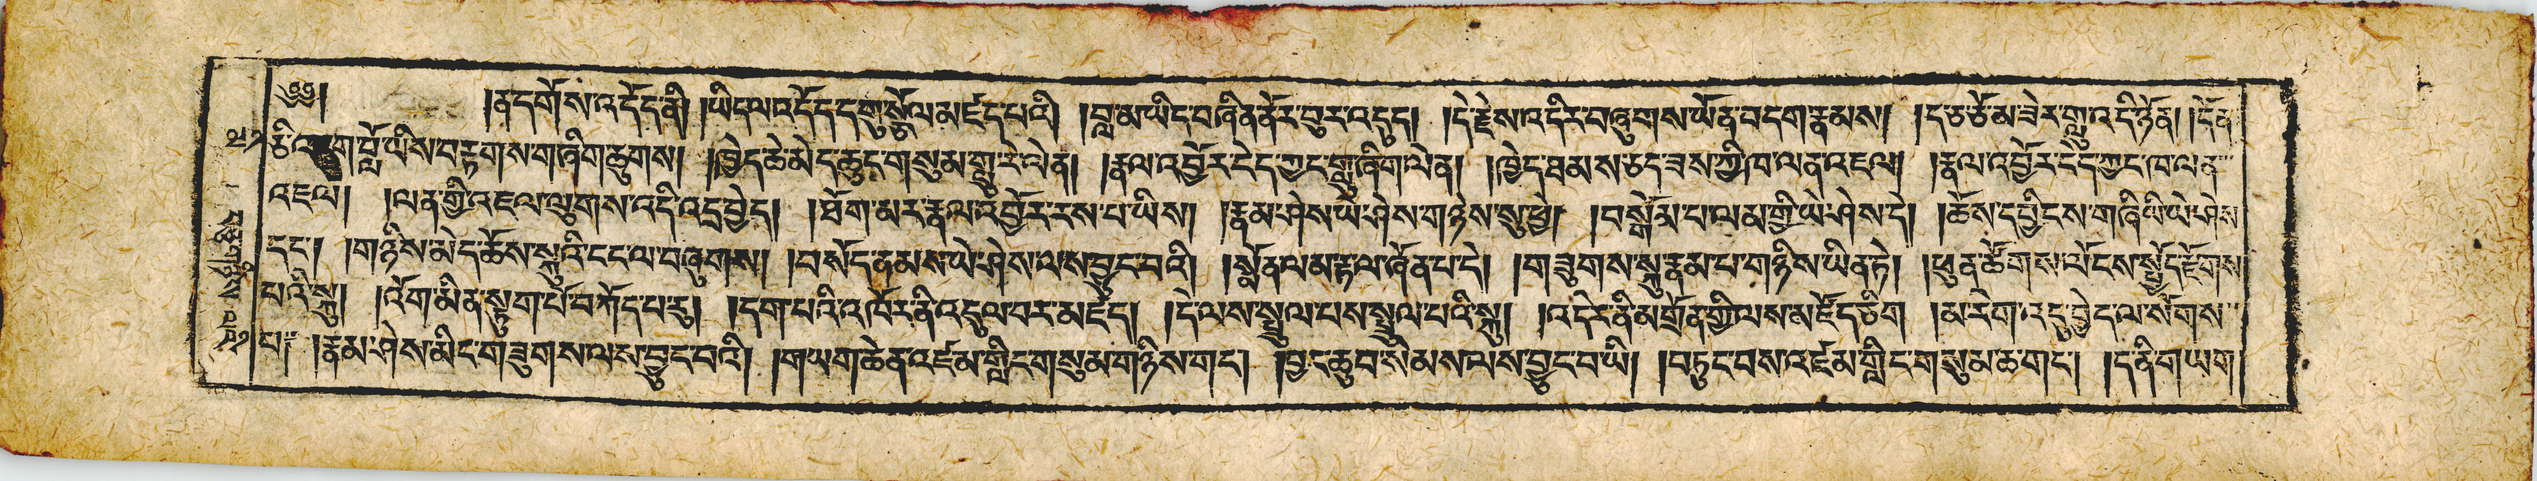ན་དགོས་འདོད་ནི། །ཡིད་ལ་འདོད་དགུ་སྩོལ་མཛད་པའི། །བླ་མ་ཡིད་བཞིན་ནོར་བུར་འདུད། །དེ་རྗེས་འདིར་བཞུགས་ཡོན་བདག་རྣམས། །ད་ཅ་ཅོ་མ་ཟེར་གླུ་འདི་ཉོན། །དོན་
རྨི་འཇུག་བློ་ལས་བརྟགས་གཞིག་ཆུགས། །ཁྱེད་ཆེ་མེད་ཆུང་གསུམ་གླུ་རེ་ལེན། །རྣལ་འབྱོར་ངེད་ཀྱང་གླུ་ཞིག་ལེན། །ཁྱེད་ཐམས་ཅད་ཟས་ཀྱི་ཁ་ལན་འཇལ། །རྣལ་འབྱོར་ངེད་ཀྱང་ཁ་ལན་
འཇལ། །ལན་གྱི་འཇལ་ལུགས་འདི་འདྲ་བྱེད། །ཐོག་མར་རྣལ་འབྱོར་རས་པ་ཡིས། །རྣམ་ཤེས་ཡེ་ཤེས་གཉིས་སུ་ཕྱེ། །བསྒོམ་པ་ལམ་གྱི་ཡེ་ཤེས་དེ། །ཆོས་དབྱིངས་གཞི་ཡི་ཡེ་ཤེས་
དང་། །གཉིས་མེད་ཆོས་སྐུའི་ངང་ལ་བཞུགས། །བསོད་ནམས་ཡེ་ཤེས་ལས་བྱུང་བའི། །སྨོན་ལམ་རྟ་ལ་ཞོན་པ་དེ། །གཟུགས་སྐུ་རྣམ་པ་གཉིས་ཡིན་ཏེ། །ཕུན་ཚོགས་ལོངས་སྤྱོད་རྫོགས་
པའི་སྐུ། །འོག་མིན་སྟུག་པོ་བཀོད་པ་རུ། །དག་པའི་འཁོར་ནི་འདུལ་བར་མཛད། །དེ་ལས་སྤྲུལ་པས་སྤྲུལ་པའི་སྐུ། །འདིར་ནི་མགྲོན་གྱི་ལས་མཛོད་ཅིག །མ་རིག་འདུ་བྱེད་ལ་སོགས་
པ། །རྣམ་ཤེས་མིང་གཟུགས་ལས་བྱུང་བའི། །གཡག་ཆེན་འཛམ་གླིང་གསུམ་གཉིས་གང། །བྱང་ཆུབ་སེམས་ལས་བྱུང་བ་ཡི། །བཏུང་བས་འཛམ་གླིང་གསུམ་ཆ་གང་། །ད་ནི་གཡག་